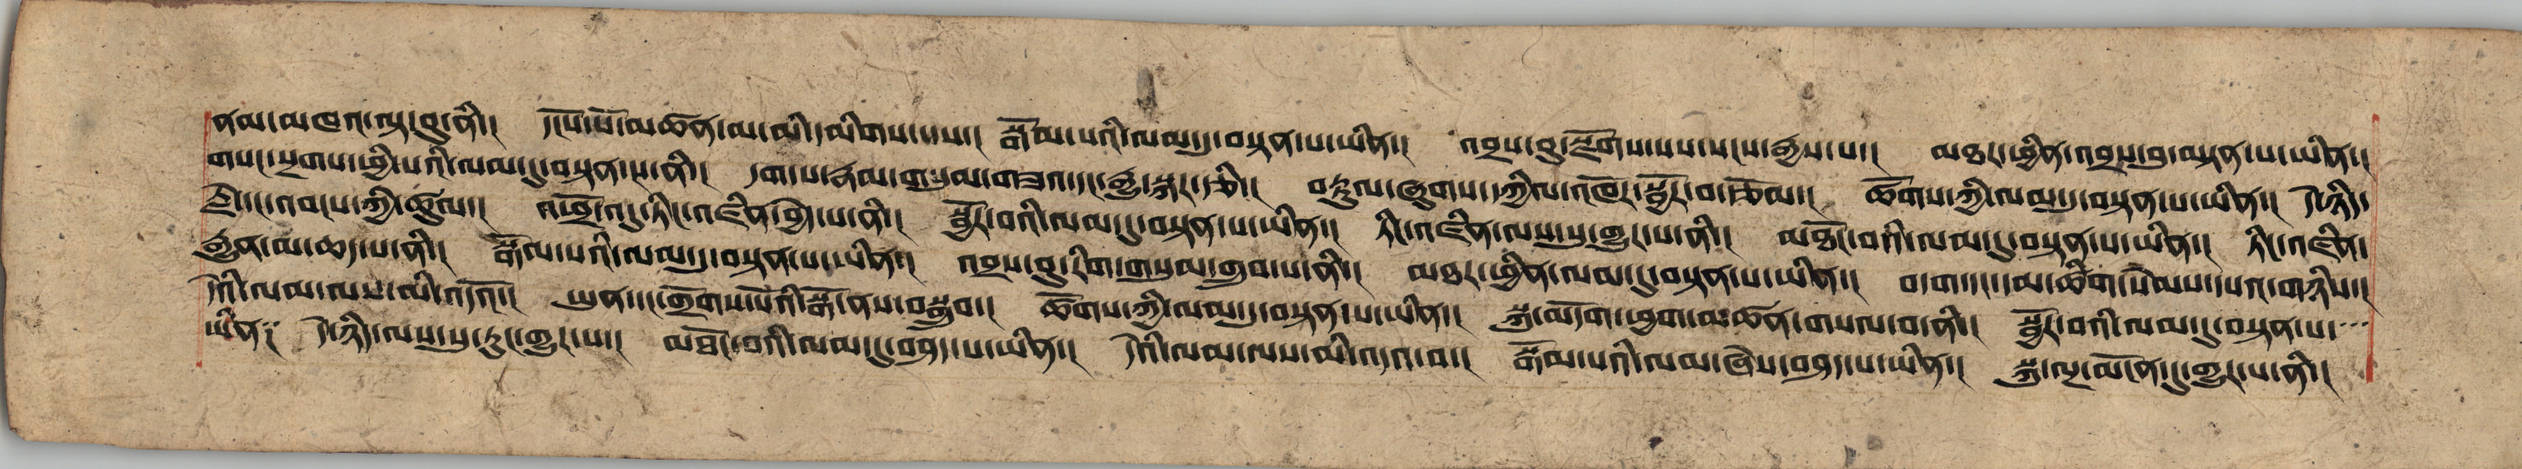ནམ་མཁའ་ལྟ་བུ་ནི་། དངོས་པོ་མཚན་མ་མི་དམིགས་པས་། སྒོམ་པའི་ལམ་དུ་བསྟན་པ་ཡིན་། འབྲས་བུ་སྫོགས་པས་སངས་རྒྱས་པ་། མཐར་ཕྱིན་འབྲས་བུ་བསྟན་པ་ཡིན་།
གསང་སྔགས་ཕྱི་པའི་ལམ་དུ་བསྟན་པ་ནི་། དག་པ་རྣམ་གསུམ་གཟའ་དང་རྒྱུ་སྐར་རྩི་། བརྟུལ་ཞུགས་དཀྱིལ་འཁོར་སྦྱོར་བ་རྩོམ་། ཚོགས་ཀྱི་ལམ་དུ་བསྟན་པ་ཡིན་། དེ་ཉིད་
རྗེ་དང་འབངས་ཀྱི་ཚུལ་། འཕྲོ་འདུ་ཏིང་འཛིན་བྱེད་པ་ནི་། སྦྱོར་བའི་ལམ་དུ་བསྟན་པ་ཡིན་། ཏིང་འཛིན་ལས་སུ་གྱུར་པ་ནི་། མཐོང་བའི་ལམ་དུ་བསྟན་པ་ཡིན་། ཏིང་འཛིན་
རྒྱུན་མ་ཆད་པ་ནི་། སྒོམ་པའི་ལམ་དུ་བསྟན་པ་ཡིན་། འབྲས་བུ་རིག་གསུམ་གྲུབ་པ་ནི་། མཐར་ཕྱིན་ལམ་དུ་བསྟན་པ་ཡིན་། བདག་དང་དམ་ཚིག་སེམས་དཔའ་གཉིས་།
དེའི་ལམ་ལས་མི་འདའོ་། ཡུན་དང་གྲོགས་པོའི་སྒོ་ནས་བསྒྲུབ་། ཚོགས་ཀྱི་ལམ་དུ་བསྟན་པ་ཡིན་། སྐུ་མདོག་ཕྱག་མཚན་གསལ་བ་ནི་། སྦྱོར་བའི་ལམ་དུ་བསྟན་པ་
ཡིན༑ དེ་ཉིད་ལས་སུ་རུང་གྱུར་པ་། མཐོང་བའི་ལམ་དུ་བཤད་པ་ཡིན་། དེའི་ལམ་ལས་མི་འདའ་བ་། སྒོམ་པའི་ལམ་ཞེས་བཤད་པ་ཡིན་། སྐུ་ལྔ་མངོན་དུ་གྱུར་པ་ནི་།